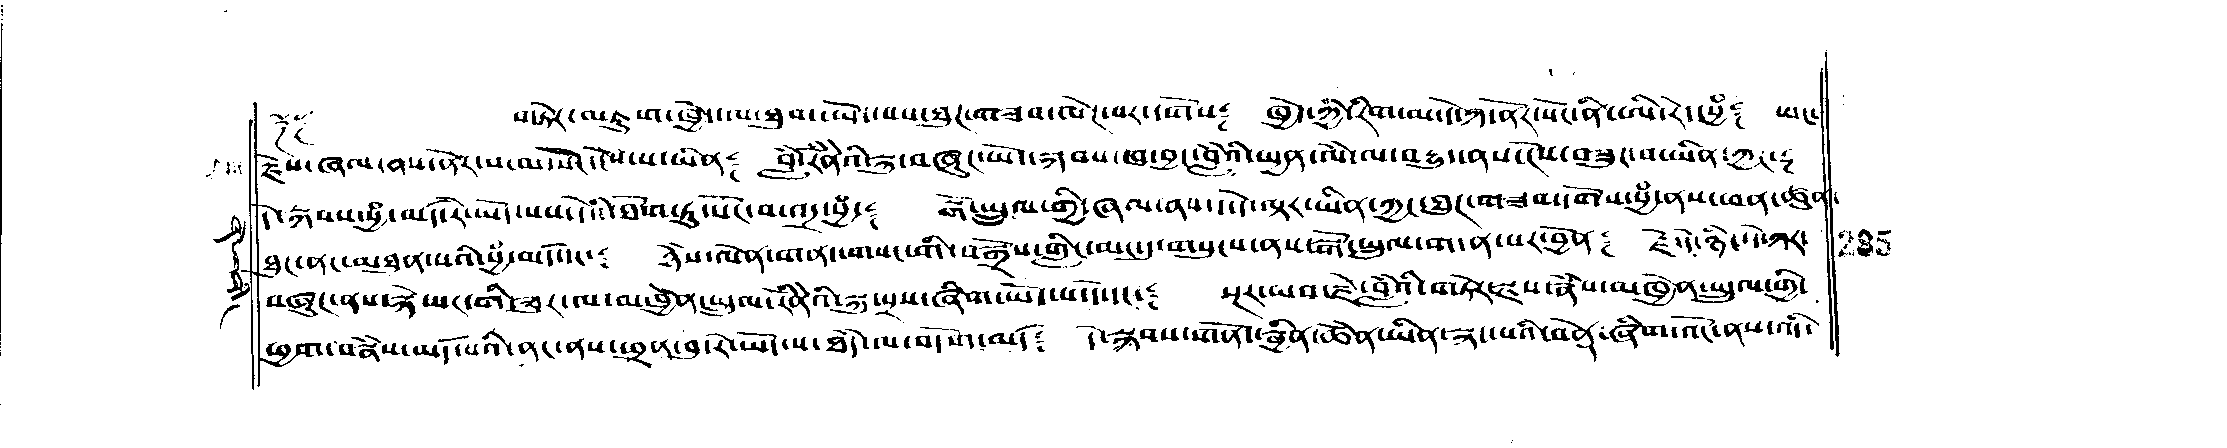གཏེར་མཇུག་ཁྱེད་ལ་ཐུག་ཡོད་པས་ཐུགས་གཟབ་ལེགས་པར་དགོས། ཁྱེད་ཀྱི་རིག་མ་དེ་ཀ་ནོར་སོང་ནི་ཨི་རེད་གསུང་། ཡང་
རྗེས་ཞལ་ནས་ནོར་བ་མ་སོང་ངེས་པ་ཡིན། བླ་མ་རིན་པོ་ཆེའི་སྐུ་བཞུགས་ཡོད་སྐབས་ཁ་བྱང་བླ་མའི་སྤྱན་ལམ་ལ་བརྒྱུད་ནས་ངེས་༼ངས་?༽བཟུང་བ་ཡིན་ཀྱང་། 
དེ་སྐབས་གསུང་མཛད་རེ་ཡོད་པས་དེའི་ཐོག་ཏུ་སོང་བ་འདྲ་གསུང་། སྒོ་སྤྲུལ་གྱི་ཞལ་ནས་ད་དེ་ལྟར་ཡིན་ཀྱང་ཐུགས་གཟབ་དགོས་གསུང་ནས་ཕན་ཚུན་
ཐུགས་སྣང་མཐུན་པའི་གསུང་མཛད་དང་། ཉམས་ལེན་གནད་གསང་གི་བགྲོ་གླེང་མང་དུ་གསུངས་ནས་སྒོ་སྤྲུལ་གདན་སར་བྱོན། རྗེ་དེ་ཉིད་དེ་ཀར་
བཞུགས་ནས་སྐེ་སང་གི་ཟུར་ལ་མཁྱེན་སྤྲུལ་རིན་པོ་ཆེའི་སྐུ་སྲས་ཞིག་ཡོད་པ་དེ་དང་། སྔར་ཡབ་རྗེ་བླ་མའི་གཏེར་རྫས་རྣམས་མཁྱེན་སྤྲུལ་གྱི་
ཕྱག་བསྣམས་མཛད་པའི་ནང་ནས་ཕྲན་བུ་རེ་ཡོད་པ་ཐམས་ཅད་ལ་བདག་པོ་མཛད། དེ་སྐབས་གནོད་སྦྱིན་ཆེན་པོ་ཡིན་སྐད་པའི་བནྡེ་ཞིག་འོང་ནས་འདི་